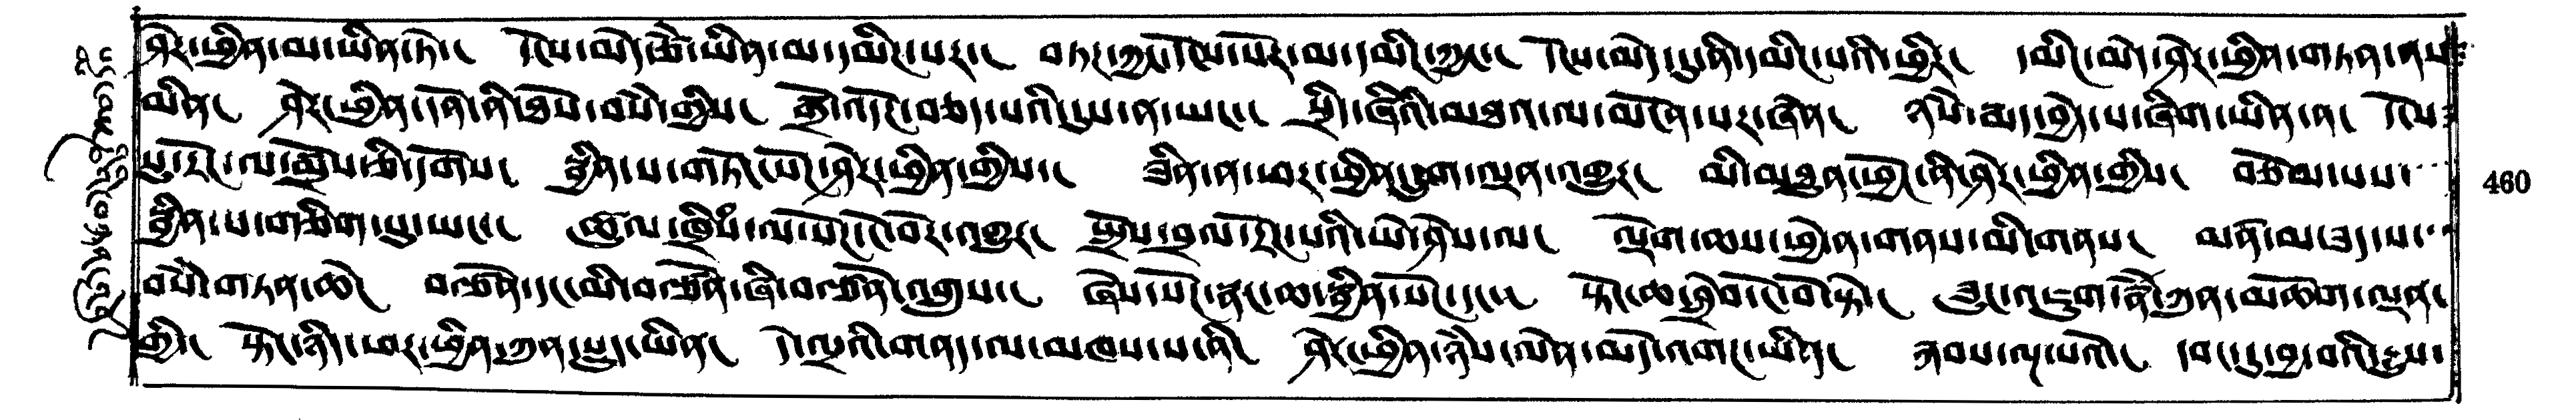ཤེར་ཕྱིན་མ་ཡིན་ཏེ། །དངོས་མེད་ཙམ་ཡིན་མ་དམིགས་པར། །བཏགས་ཀྱང་དངོས་པོར་མ་དམིགས་ཀྱང་། །དངོས་མེད་དུ་ནི་དམིགས་པའི་ཕྱིར། །དམིགས་མེད་ཤེར་ཕྱིན་གཏན་ནས་
མིན། །ཤེར་ཕྱིན་དོན་ནི་ཐོས་བསམ་གྱིས། །སྒྲོ་འདོགས་བཅད་པའི་དུས་ན་ཡང་། །སྲིད་ཞིའི་མཐའ་ལ་མངོན་པར་ཞེན། །ཉམས་སྨད་བྱེད་པ་ཞིག་ཡིན་ན། །དངོས་
སུ་རྟོགས་ལ་སྨྲོས་ཅི་དགོས། །སྦྱིན་པ་གཏོང་སོགས་ཤེར་ཕྱིན་གྱིས། །ཟིན་ན་ཕར་ཕྱིན་དྲུག་ལྡན་འགྱུར། །མི་མཐུན་ཕྱོགས་ནི་ཤེར་ཕྱིན་གྱིས། །བཅོམ་པས་
སྦྱིན་པ་གཅིག་པུ་ཡང་། །ཚུལ་ཁྲིམས་ལ་སོགས་ངོ་བོར་འགྱུར། །སྤྲོས་བྲལ་རྟོགས་པའི་ཡེ་ཤེས་ལ། །ལྡོག་ཆས་ཕྱེ་ན་གནས་མི་གནས། །མཚན་མ་ཟད་པ་
བསམ་གཏན་ཆེ། །བརྩོན་དང་མི་བརྩོན་ཞི་བརྩོན་འགྲུས། །ཞེས་སོགས་སྣང་ཆ་སྦྱིན་སོགས་དང་། །སྟོང་ཆ་ཤེས་རབ་ངོ་བོ་སྟེ། །ཟུང་འཇུག་རྣམ་ཀུན་མཆོག་ལྡན་
གྱི། །སྟོང་ཉིད་ཕར་ཕྱིན་ཀུན་སྡུད་ཡིན། །དེ་འདྲའི་གནད་ལ་མཁས་པ་ནི། །ཤེར་ཕྱིན་ཉམས་ལེན་མདོ་འགག་ཡིན།། སྐབས་ལྔ་པའོ།། དབང་དུ་བྱ་བའི་རྒྱུ་